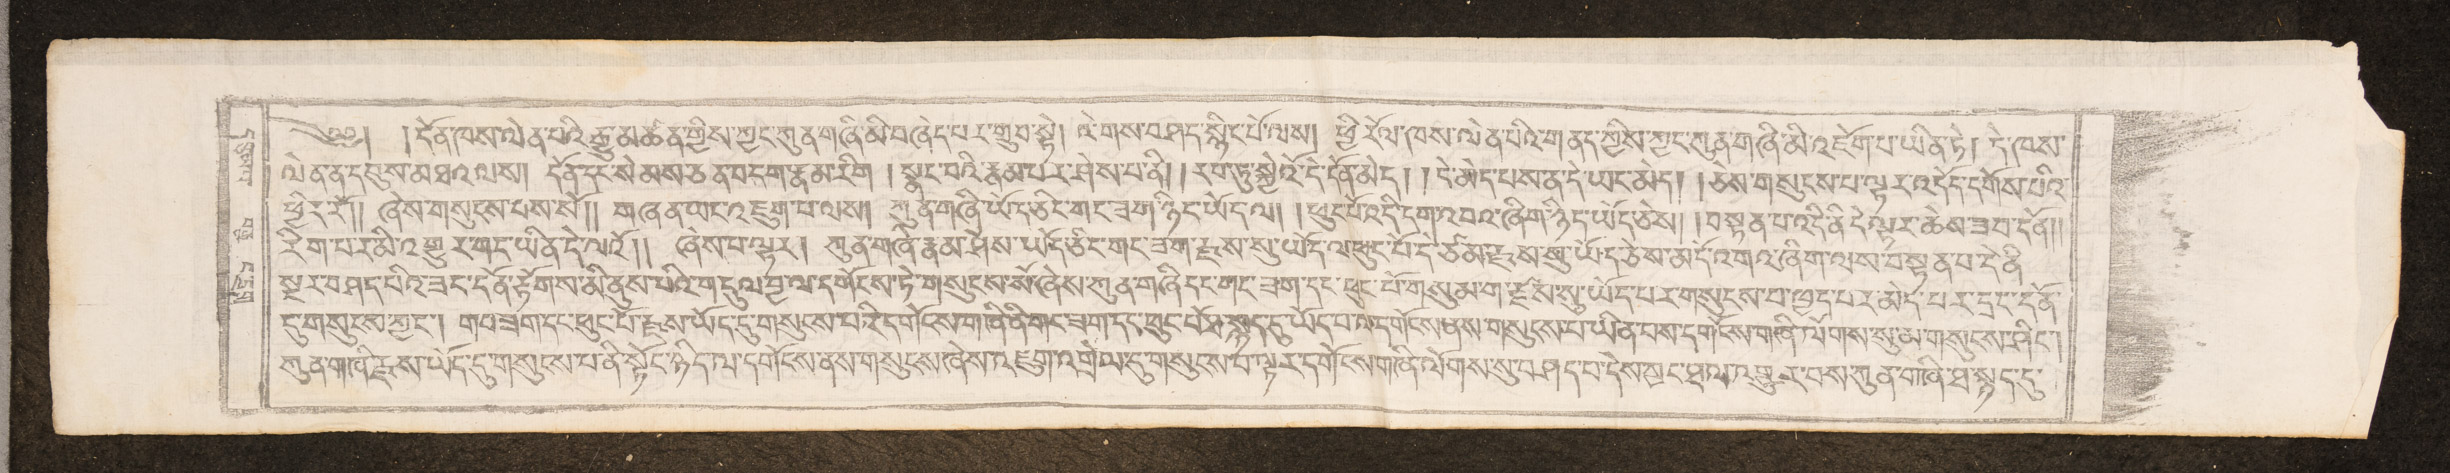༄༅། །དོན་ཁས་ལེན་པའི་རྒྱུ་མཚན་གྱིས་ཀྱང་ཀུན་གཞི་མི་བཞེད་པར་གྲུབ་སྟེ། ལེགས་བཤད་སྙིང་པོ་ལས། ཕྱི་རོལ་ཁས་ལེན་པའི་གནད་ཀྱིས་ཀྱང་ཀུན་གཞི་མི་འཇོག་པ་ཡིན་ཏེ། དེ་ཁས་
ལེན་ན་དབུས་མཐའ་ལས། དོན་དང་སེམས་ཅན་བདག་རྣམ་རིག། །སྣང་བའི་རྣམ་པར་ཤེས་པ་ནི། །རབ་ཏུ་སྐྱེའོ་དེ་དོན་མེད། །དེ་མེད་པས་ན་དེ་ཡང་མེད། །ཅེས་གསུངས་པ་ལྟར་འདོད་དོགས་པའི་
ཕྱིར་རོ། །ཞེས་གསུངས་པས་སོ། །གཞན་ཡང་འཇུག་པ་ལས། ཀུན་གཞི་ཡོད་ཅིང་གང་ཟག་ཉིད་ཡོད་ལ། །ཕུང་པོ་འདི་དག་འབའ་ཞིག་ཉིད་ཡོད་ཅེས། །བསྟན་པ་འདི་ནི་དེ་ལྟར་ཆེས་ཟབ་དོན།།
རིག་པར་མི་འགྱུར་གང་ཡིན་དེ་ལའོ། །ཞེས་པ་ལྟར། ཀུན་གཞི་རྣམ་ཤེས་ཡོད་ཅིང་གང་ཟག་རྫས་སུ་ཡོད་ལ་ཕུང་པོ་དེ་ཙམ་རྫས་སུ་ཡོད་ཅེས་མདོ་འགའ་ཞིག་ལས་བསྟན་པ་དེ་ནི་
སྔར་བཤད་པའི་ཟང་དོན་རྟོགས་མི་ནུས་པའི་གདུལ་བྱ་ལ་དགོངས་ཏེ་གསུངས་སོ་ཞེས་ཀུན་གཞི་དང་གང་ཟག་དང་ཕུང་པོ་གསུམ་ག་རྫས་སུ་ཡོད་པར་གསུངས་པ་ཁྱད་པར་མེད་པར་དྲང་དོན་
དུ་གསུངས་ཀྱང་། གང་ཟག་དང་ཕུང་པོ་རྫས་ཡོད་དུ་གསུངས་པའི་དགོངས་གཞི་ནི་གང་ཟག་དང་ཕུང་པོ་ཐ་སྙད་དུ་ཡོད་པ་ལ་དགོངས་ནས་གསུངས་པ་ཡིན་པས་དགོངས་གཞི་ལོགས་སུ་མ་གསུངས་ཤིང་།
ཀུན་གཞི་རྫས་ཡོད་དུ་གསུངས་པ་ནི་སྟོང་པ་ནི་སྟོང་ཉིད་ལ་དགོངས་ནས་གསུངས་ཞེས་འཇུག་འགྲེལ་དུ་གསུངས་པ་ལྟར་དགོངས་གཞི་ལོགས་སུ་བཤད་པ་དེས་ཀྱང་ཐལ་འགྱུར་བས་ཀུན་གཞི་ཐ་སྙད་དུ་